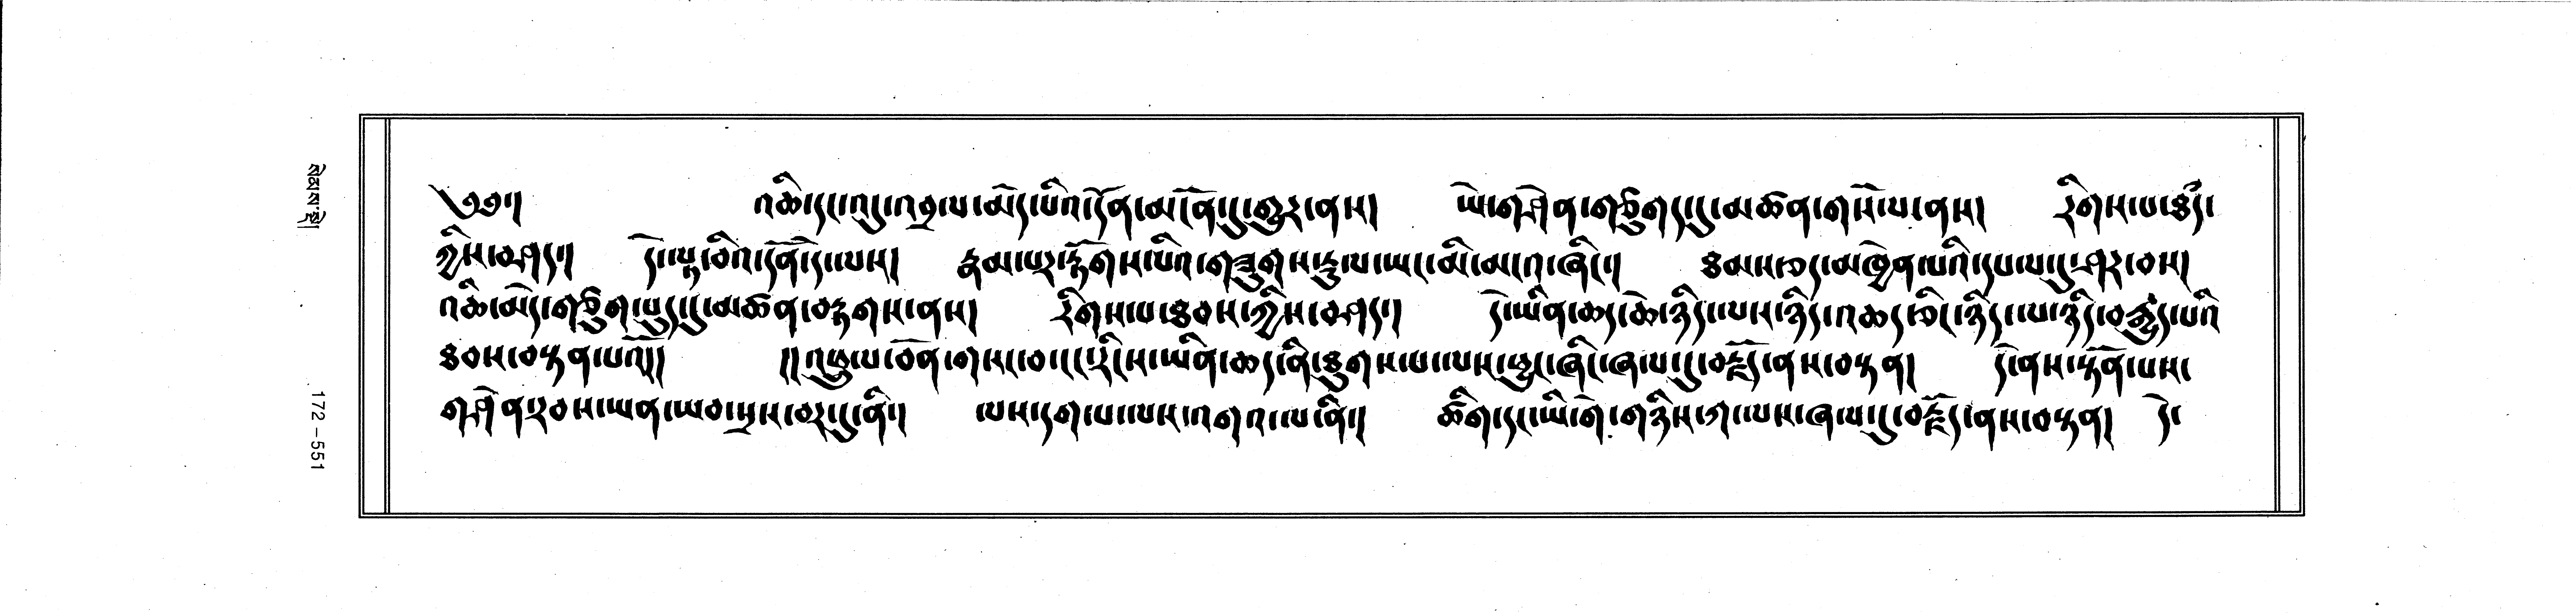འཆི་དང་འདུ་འབྲལ་མེད་པའི་དོན་མངོན་དུ་གྱུར་ནས། ཡེ་གཤེན་གཙུག་ཕུད་དུ་མཚན་གསོལ་ནས། རིག་པ་ཐམས་ཅད་
ཀྱིས་བཤད། དེ་ལྟ་བའི་དོན་དེ་ལས། རྣམ་པར་རྟོགས་པའི་གཟུགས་རྡུལ་ཡང་མི་མངའ་ཞིང་། ཐམས་ཅད་མཁྱེན་པའི་དཔལ་དུ་ཤར་བས། 
འཆི་མེད་གཙུག་ཕུད་དུ་མཚན་བརྟགས་ནས། རིག་པ་ཐབས་ཀྱིས་བཤད། དེ་ཡིན་ཆད་ཆེ་ཉིད་ལས་ཉིད་འཆད་ཅིང་ཉིད་ལ་ཉིད་བརྒྱུད་པའི་
ཐབས་བསྟན་པའོ། འཕྲུལ་བོན་གསང་བ་ངང་རིངས་ཡིན་ཆད་ནི་ཐུགས་པ་ལས་ཕྱུང་ཞིང་ཞལ་དུ་བརྗོད་ནས་བསྟན། དེ་ནས་སྟོན་པས་
གཤེན་རབ་ཡན་ཡབ་སྲས་བར་དུ་ནི། ལས་དག་པ་ལས་འགའ་ལ་ནི། ཚིག་དང་ཡི་གེ་གཉིས་ཀ་ལས་ཞལ་དུ་བརྗོད་ནས་བསྟན། དེ་